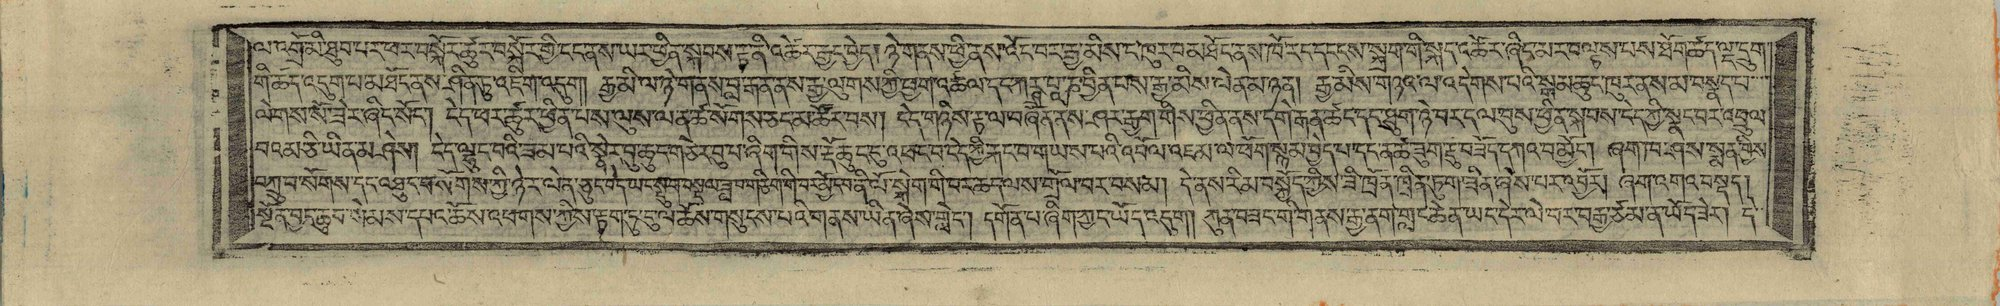ལ་འགྲོ་མི་ཐུབ་པར་ཕར་བསྐོར་ཚུར་བསྐོར་གྱི་ངང་ནས་ཡར་ཕྱིན་སྐབས་རྟ་ནི་འཚེར་རྒྱང་བྱེད། ཉེ་གནས་ཕྱི་ནས་འོང་བར་རྒྱ་མིས་ང་ཁུར་བ་མཐོང་ནས་ཁོ་རང་དངངས་སྐྲག་གི་སྐད་འཆོར་ཞིང་མར་བལྟས་པས་ཐོག་ཚད་ལྔ་དྲུག་
གི་ཚད་འདུག་པ་མཐོང་ནས་ཤིན་ཏུ་འཇིག་འདུག །རྒྱ་མི་ལ་ཉེ་གནས་བླ་རྒན་ནས་རྒྱ་ལུགས་ཀྱི་ཕྱག་འཚལ་དང་ཀརྵ་པཱ་ཎ་བྱིན་པས་རྒྱ་མིས་ལེན་མ་ཉན། རྒྱ་མིས་གཉའ་ལ་འདེགས་པའི་སྒམ་ཆུང་ཁུར་ནས་མ་བསྣད་པ་
ལེགས་སོ་ཟེར་ཞིང་སོང་། ངེད་ཕར་ཚུར་ཕྱིན་པས་ལུས་ལ་ན་ཚ་སོགས་ཅང་མ་ཚོར་བས། ངེད་གཉིས་རྟ་ལ་བཞོན་ནས་ཤར་རྒྱག་གིས་ཕྱིན་ནས་དགེ་རྒན་ཚང་དང་ཐུག་ཉེ་བར་དལ་བུས་ཕྱིན་སྐབས་ངེད་ཀྱི་སྣང་བར་འཕྲུལ་
བའམ་ཅི་ཡིན་མ་ཤེས། ངེད་ལྷུང་བའི་ཟམ་པའི་སྣེར་བུ་ཆུང་གཅེར་བུ་པ་ཞིག་གིས་རྡོ་ཆུང་ངུ་འཕང་བ་ངེད་ཀྱི་རྐང་བ་གཡས་པའི་འབོལ་འཇམ་ལ་ཕོག་སྙམ་བྱེད་པ་དང་ན་ཚ་ཟུག་རྔུ་བཟོད་དཀའ་བ་མྱོང་། ཞག་ཁ་ཤས་སྨན་གྱིས་
བཀྲུབ་སོགས་དང་འཐུང་བ་སོགས་ཀྱི་ཉེར་ལེན་ཅུང་བདེ་ཡང་སྡུག་བསྔལ་ཟླ་བ་གཅིག་གི་བར་མྱོང་བ་ནི་ལོ་སྐེག་གི་བར་ཆད་ལས་གྲོལ་བར་བསམ། དེ་ནས་རིམ་བསྐྱོད་ཀྱིས་ཟི་ཁྲོན་ཁྲིན་ཏུག་ཟིན་ཞེས་པར་འབྱོར། ཞག་འགའ་བསྡད།
སྔོན་བྱང་ཆུབ་སེམས་དབང་?་ཆོས་འཕགས་ཀྱིས་རྟག་ཏུ་ངུ་ལ་ཆོས་གསུངས་པའི་གནས་ཡིན་ཞེས་གླེང་། དགོན་པ་ཞིག་ཀྱང་ཡོད་འདུག །ཀུན་བཟང་གི་གནས་རྒྱ་ནག་གླང་ཆེན་ཡང་དེར་ལེ་བར་བརྒྱ་ཙམ་ན་ཡོད་ཟེར། དེ་